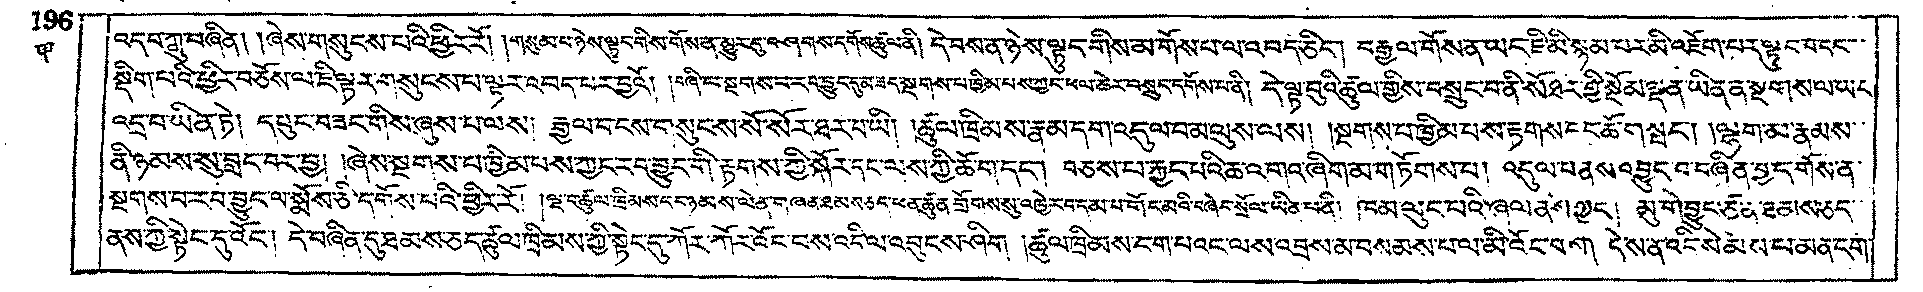འདབ་ཀླུ་བཞིན། །ཞེས་གསུངས་པའི་ཕྱིར་རོ། །གསུམ་པ་ཉེས་ལྟུང་གིས་གོས་ན་མྱུར་དུ་བཤགས་དགོས་ཚུལ་ནི།  དེ་བས་ན་ཉེས་ལྟུང་གིས་མ་གོས་པ་ལ་འབད་ཅིང་། བརྒྱལ་གོས་ན་ཡང་ཇི་མི་སྙམ་པར་མི་འཇོག་པར་ལྟུང་བ་དང་
སྡིག་པའི་ཕྱིར་བཅོས་ལ་ཇི་ལྟར་གསུངས་པ་ལྟར་འབད་པར་བྱའོ། །བཞི་པ་སྔགས་པ་རབ་བྱུང་དུ་མ་ཟད་སྔགས་པ་ཁྱིམ་པས་ཀྱང་ཕལ་ཆེར་བསྲུང་དགོས་པ་ནི།  དེ་ལྟ་བུའི་ཚུལ་གྱིས་བསྲུང་བ་ནི་སོ་ཐར་གྱི་སྔོམ་ལྡན་ཡིན་ན་སྔགས་ལ་ཡང་
འདྲ་བ་ཡིན་ཏེ། དཔུང་བཟང་གིས་ཞུས་པ་ལས། རྒྱལ་བ་ངས་གསུངས་སོ་སོར་ཐར་པ་ཡི། །ཚུལ་ཁྲིམས་རྣམ་དག་འདུལ་བ་མ་ལུས་ལས། །སྔགས་པ་ཁྱིམ་པས་རྟགས་ངང་ཆོ་ག་སྤང་། །ལྷག་མ་རྣམས་
ནི་ཉམས་སུ་བླང་བར་བྱ། །ཞེས་སྔགས་པ་ཁྱིམ་པས་ཀྱང་རབ་བྱུང་གི་རྟགས་ཀྱི་སྐོར་དང་ལས་ཀྱི་ཆོ་ག་དང་། བཅས་པ་རྐྱང་པའི་ཆ་འགའ་ཞིག་མ་གཏོགས་པ། འདུལ་བ་ནས་འབྱུང་བ་བཞིན་བྱ་དགོས་ན་
སྔགས་བ་རབ་བྱུང་ལ་སྨོས་ཅི་དགོས་པའི་ཕྱིར་རོ། །ལྔ་པ་ཚུལ་ཁྲིམས་དང་ཉམས་ལེན་གཞན་ཐམས་ཅད་ཕན་ཚུན་གྲོགས་སུ་འཁྱེར་བ་གོང་མའི་བཞེང་སྲོལ་ཡིན་པ་ནི།  ཁམ་ལུང་པའི་ཞལ་ནས་ཀྱང་། མུ་གེ་བྱུང་ཙན་ཐམས་ཅད་
ནས་ཀྱི་སྟེང་དུ་འོང་། དེ་བཞིན་དུ་ཐམས་ཅད་ཚུལ་ཁྲིམས་ཀྱི་སྟེང་དུ་ཀོར་ཀོར་འོང་བས་འདི་ལ་འབུངས་ཤིག །ཚུལ་ཁྲིམས་ངག་པའང་ལས་འབྲས་མ་བསམས་པ་ལ་མི་འོང་བས། དེས་ན་འདི་སེམས་པ་མན་ངག་